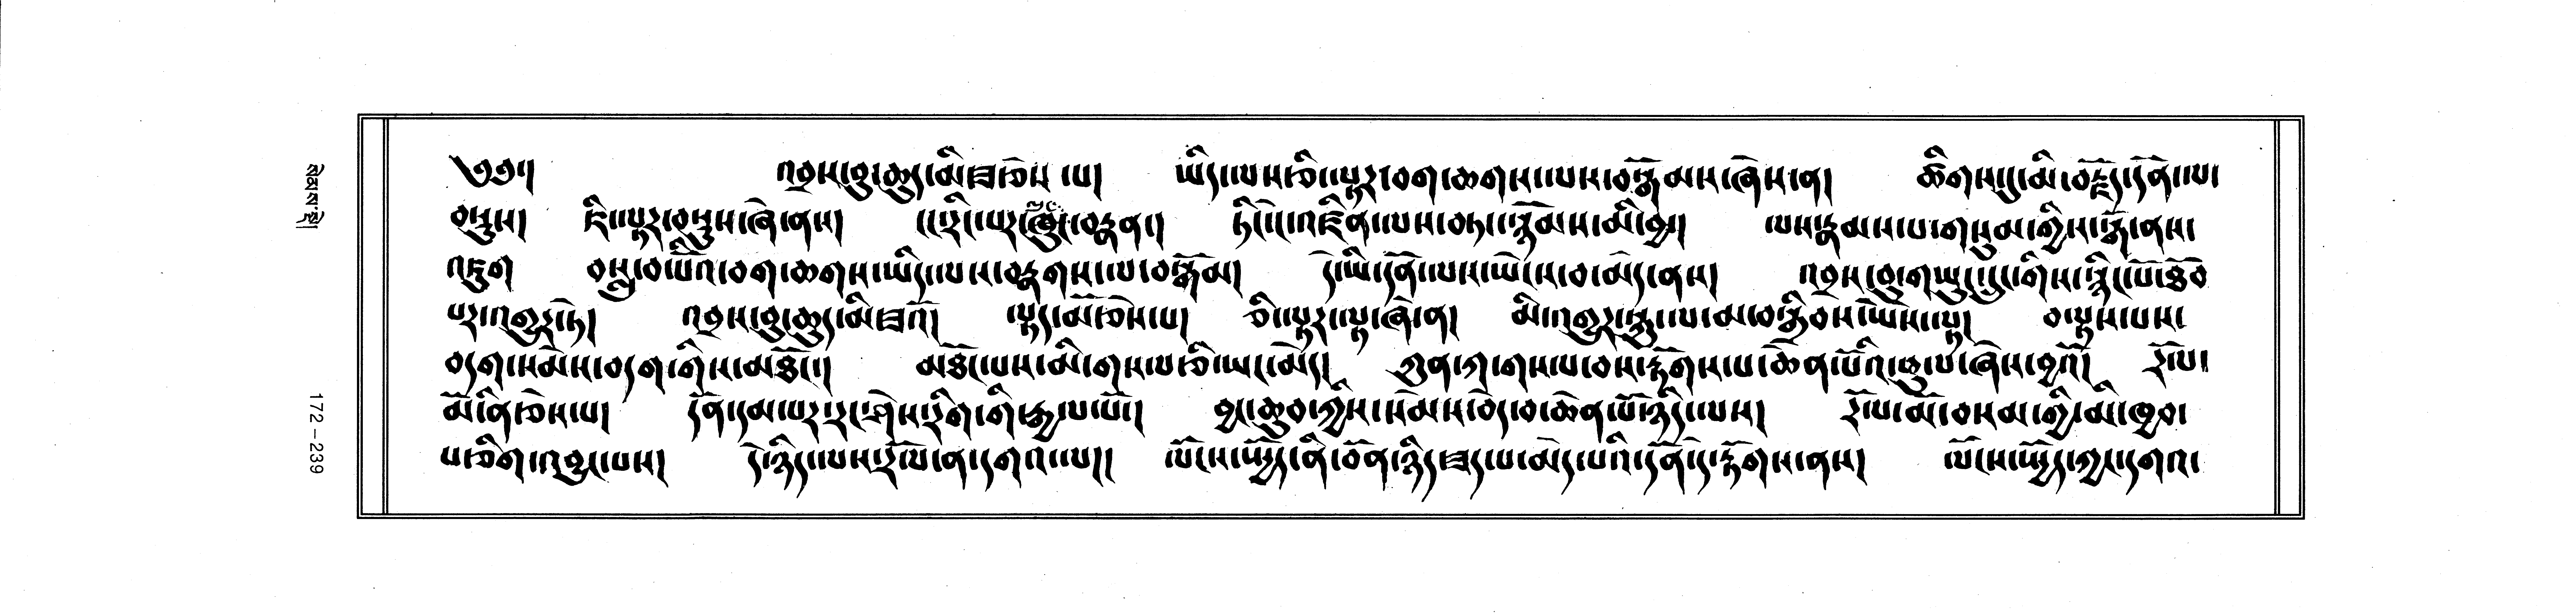འབྲས་བུ་ཆུད་མི་ཟ་ཅེས་པ། ཡིད་ལས་ཅི་ལྟར་བག་ཆགས་ལས་བསྒོམས་ཞེས་ན། ཚིགས་དུ་མི་བརྗོད་དོན་ལ་
བསྡུས། ཇི་ལྟར་བསྡུས་ཞེ་ནས། ངང་རིང་པར་ལུང་བརྣན། ཏིང་ངེ་འཛིན་ལས་བཏང་སྙོམས་མི་བྱ། ལས་རྣམ་པ་གསུམ་གྱིས་སྒོ་ནས་
འཇུག བསླུ་བ་པོའི་བག་ཆགས་ཡིད་ལས་བརྣགས་ལ་བསྒོམ། དེ་ཡི་དོན་ལས་གཡེངས་བ་མེད་ནས། འབྲས་བུ་གཡུང་དྲུང་གིས་སྙིང་པོ་ཐོབ་
པར་འགྱུར་ཏེ། འབྲས་བུ་ཆུད་མི་ཟའོ། ལྟད་མོ་ཅེས་པ། ཅི་ལྟར་ལྟ་ཞེ་ན། མི་འགྱུར་སྐུ་ལ་མ་བསྒྲིབས་ཡེ་ཤེས་ལྟ། བལྟས་པས་
བདག་སེམས་བདག་གིས་མཐོང་། མཐོང་པས་མི་གསལ་ཅི་ཡང་མེད། ཀུན་ཀ་གསལ་བས་རྟོགས་པ་ཆེན་པོའི་ཕུལ་ཞེས་བྱའོ། རོལ་
མོ་ནི་ཅེས་པ། དོན་དམ་པར་རང་ཤེས་རིག་གི་རྒྱལ་པོ། བྱང་ཆུབ་ཀྱིས་སེམས་བདེ་བ་ཆེན་པོ་ཉིད་ལས། རོལ་མོ་བསམ་གྱི་མི་ཁྱབ་
པ་ཅིག་འབྱུང་པས། དེ་ཉིད་ལས་རོལ་ན་དགའ་ལ། ལོངས་སྤྱོད་ནི་བོན་ཉིད་ཟད་པ་མེད་པའི་དོན་དེ་རྟོགས་ནས། ལོངས་སྤྱོད་ཀྱང་དགའ་